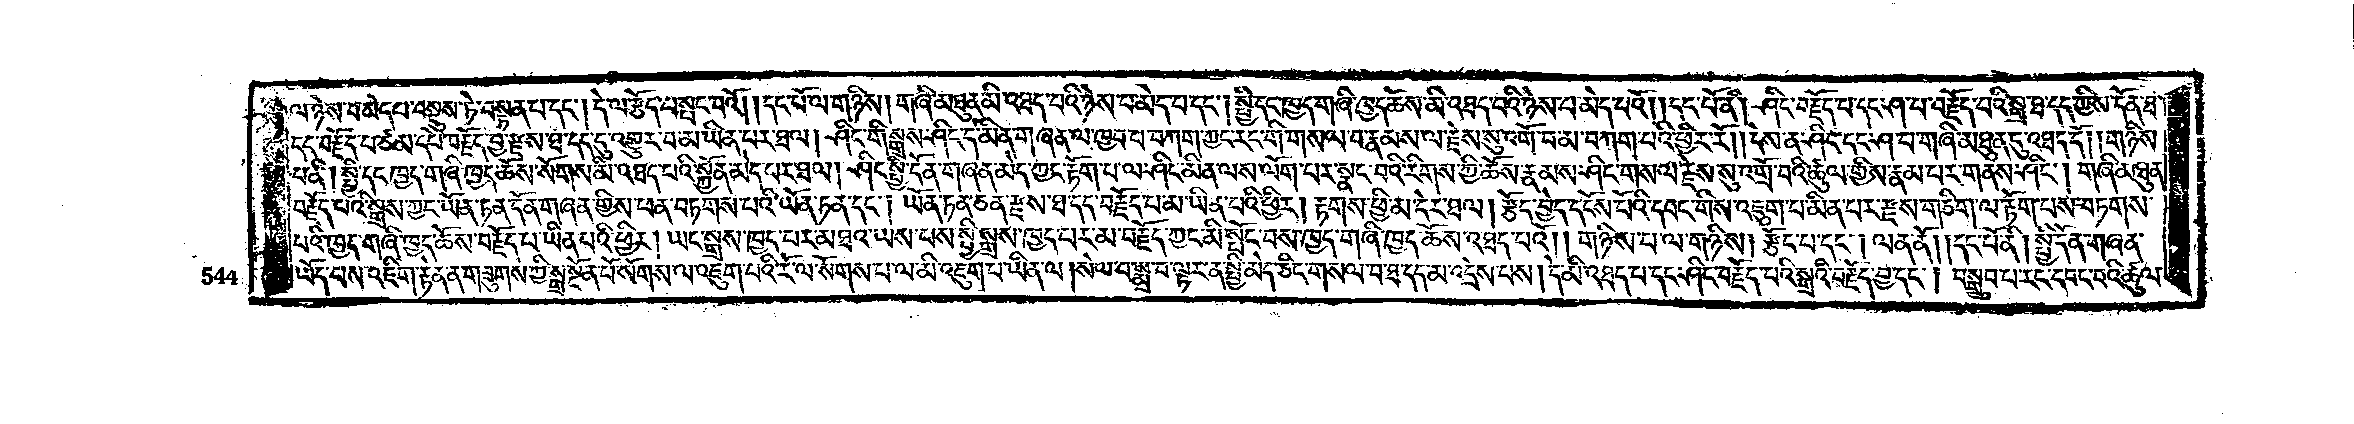ལ་ཉེས་པ་མེད་པ་བསྡུས་པ་དང་། དེ་ལ་རྩོད་པ་སྤང་བའོ། །དང་པོ་ལ་གཉིས། གཞི་མཐུན་མི་འཐད་པའི་ཉེས་པ་མེད་པ་དང་། སྤྱི་དང་ཁྱད་གཞི་ཁྱད་ཆོས་མི་འཐད་པའི་ཉེས་པ་མེད་པའོ། །དང་པོ་ནི། ཤིང་བརྗོད་པ་དང་ཤ་པ་བརྗོད་པའི་སྒྲ་ཐ་དད་ཀྱིས་དོན་ཐ་
དད་བརྗོད་པ་ཏམ་དཔེ་བརྗོད་བྱ་རྫས་ཐ་དད་དུ་དུ་འགྱུར་བ་མ་ཡིན་པར་ཐལ། ཤིང་གི་སྒྲས་ཤིང་དེ་མིན་གཞན་ལ་ཁྱབ་པ་བཀག་ཀྱང་རང་གི་གསལ་བ་རྣམས་ལ་རྗེས་སུ་འགྲོ་བ་མ་བཀག་པའི་ཕྱིར་རོ། །དེས་ན་ཤིང་དང་ཤ་པ་གཞི་མཐུན་དུ་འཐད་དོ། །གཉིས་
པ་ནི། སྤྱི་དང་ཁྱད་གཞི་ཁྱད་ཆོས་སོགས་མི་འཐད་པའི་སྐྱོན་མེད་པར་ཐལ། ཤིང་སྤྱི་དོན་གཞན་མེད་ཀྱང་རྟོག་པ་ལ་ཤིང་མིན་ལས་ལོག་པར་སྣང་བའི་རིགས་ཀྱི་ཆོས་རྣམས་ཤིང་གསལ་རྗེས་སུ་འགྲོ་བའི་ཚུལ་གྱིས་རྣམ་པར་གནས་ཤིང་གཞི་མཐུན་
བརྗོད་པའི་སྒྲས་ཀྱང་ཡོན་ཏན་དོན་གཞན་གྱིས་ཕན་བཏགས་པའི་ཡོན་ཏན་དང་། ཡོན་ཏན་ཅན་རྫས་ཐ་དད་བརྗོད་པ་མ་ཡིན་པའི་ཕྱིར། རྟགས་ཕྱི་མ་དེར་ཐལ། རྩོད་བྱེད་དངོས་པོའི་དབང་གིས་འཇུག་པ་མིན་པར་རྫས་གཅིག་ལ་རྟོག་པས་བཏགས་
པའི་ཁྱད་གཞི་ཆོས་བརྗོད་པ་ཡིན་པའི་ཕྱིར། ཡང་སྒྲས་ཁྱད་པར་མཐའ་ཡས་པས་སྤྱི་སྒྲས་ཁྱད་པར་མ་བརྗོད་ཀྱང་མི་སྤོང་བས་ཁྱད་གཞི་ཆོས་འཐད་པའོ། །གཉིས་པ་ལ་གཉིས། རྩོད་པ་དང་། ལན་ནོ། །དང་པོ་ནི། སྤྱི་དོན་གཞན་
ཡོད་པས་འཇིག་རྟེན་ན་གཟུགས་ཀྱི་སྒྲ་སྔོན་པོ་སོགས་ལ་འཇུག་པའི་རོ་ལ་སོགས་པ་ལ་མི་འཇུག་པ་ཡིན་ལ། སེལ་བ་སྨྲ་བ་ལྟར་ན་སྤྱི་མེད་ཅིང་གསལ་བ་ཐ་དད་མ་འདྲེས་པས། དེ་མི་འཐད་པ་དང་ཤིང་བརྗོད་པའི་སྒྲའི་བརྗོད་བྱ་དང་། བསྒྲུབ་པ་རང་དབང་བའི་ཚུལ་